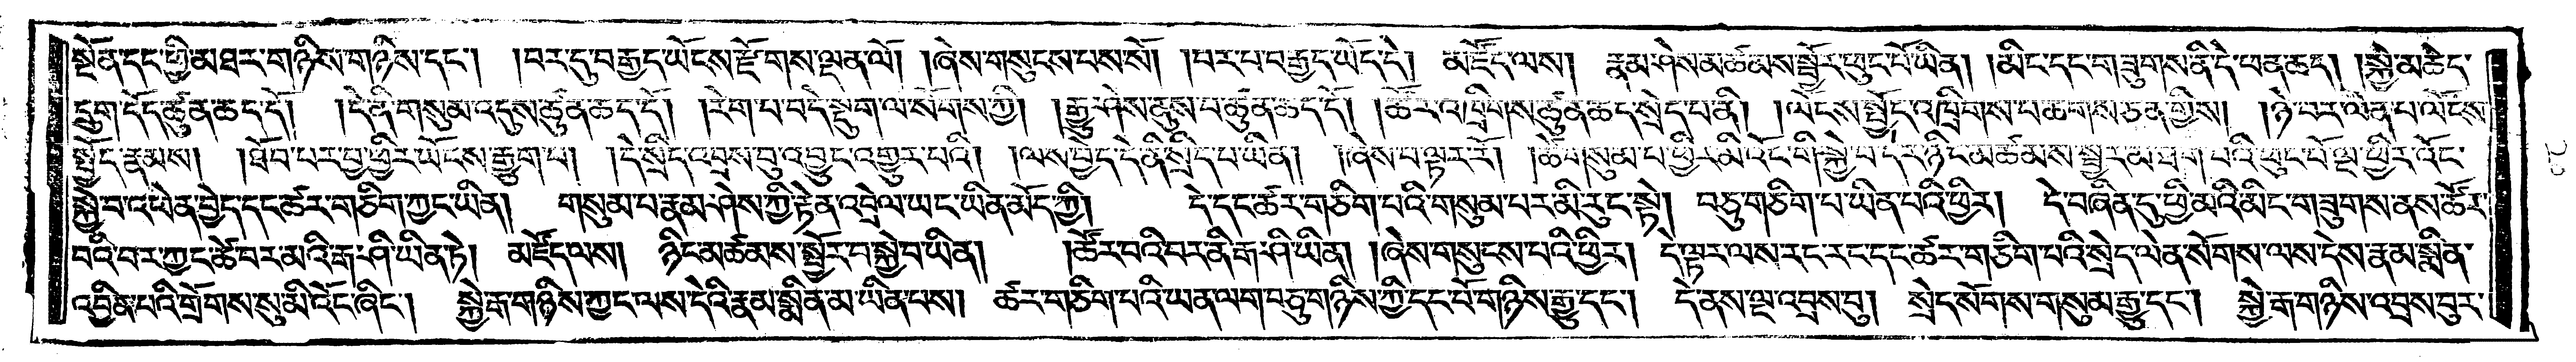སྔོན་དང་ཕྱི་མཐར་གཉིས་གཉིས་དང་། །བར་དུ་བརྒྱད་ཡོངས་རྫོགས་ལྡན་ལོ། །ཞེས་གསུངས་པས་སོ། །བར་པ་བརྒྱད་ཡོད་དེ། མཛོད་ལས། རྣམ་ཤེས་མཚམས་སྦྱོར་ཕུང་པོ་ཡིན། །མིང་དང་གཟུགས་ནི་དེ་ཕན་ཆད། །སྐྱེ་མཆེད་
དྲུག་དོད་ཚུན་ཆད་དོ། །དེ་ནི་གསུམ་འདུས་ཚུན་ཆད་དོ། །རེག་པ་བདེ་སྡུག་ལ་སོགས་ཀྱི། །རྒྱུ་ཤེས་ནུས་པ་ཚུན་ཆད་དོ། །ཚོར་འཁྲིགས་ཚུན་ཆད་སྲེད་པ་ནི། །ལོངས་སྤྱོད་འཁྲིགས་བ་ཆགས་ཅན་གྱིས། །ཉེ་བར་ལེན་པ་ལོངས་
སྤྱོད་རྣམས། །ཐོབ་པར་བྱ་ཕྱིར་ཡོངས་རྒྱུག་པ། །དེ་སྲིད་འབྲས་བུ་འབྱུང་འགྱུར་པའི། །ལས་བྱེད་དེ་ནི་སྲིད་པ་ཡིན། །ཞེས་པ་ལྟར་རོ། །ཚེ་གསུམ་པ་ཕྱིར་མི་འོང་གི་སྐྱེ་བ་དེར་ཉིང་མཚམས་སྦྱར་མ་ཐག་པའི་ཕུང་པོ་ལྔ་ཕྱིར་འོང་
སྐྱེ་བ་འཕེན་བྱེད་དང་ཚར་གཅིག་ཀྱང་ཡིན། གསུམ་པ་རྣམ་ཤེས་ཀྱི་རྟེན་འབྲེལ་ཡང་ཡིན་མོད་ཀྱི། དེ་དང་ཚར་གཅིག་པའི་གསུམ་པར་མི་རུང་སྟེ། བཅུ་གཅིག་པ་ཡིན་པའི་ཕྱིར། དེ་བཞིན་དུ་ཕྱི་མའི་མིང་གཟུགས་ནས་ཚོར་
བའི་བར་ཀྱང་ཚེ་བར་མའི་རྒ་ཤི་ཡིན་ཏེ། མཛོད་ལས། ཉིང་མཚམས་སྦྱོར་བསྐྱེ་བ་ཡིན། །ཚོར་བའི་བར་ནི་རྒ་ཤི་ཡིན། །ཞེས་གསུངས་པའི་ཕྱིར། དེ་ལྟར་ལས་རང་རང་དང་ཚར་གཅིག་པའི་སྲེད་ལེན་སོགས་ལས་དེས་རྣམ་སྨིན་
འབྱིན་པའི་གྲོགས་སུ་མི་འོང་ཞིང་། སྐྱེ་རྒ་གཉིས་ཀྱང་ལས་དེའི་རྣམ་སྨིན་མ་ཡིན་པས། ཚར་གཅིག་པའི་ཡན་ལག་བཅུ་གཉིས་ཀྱི་དང་པོ་གཉིས་རྒྱུ་དང་། དེ་ནས་ལྔ་འབྲས་བུ། སྲེད་སོགས་གསུམ་རྒྱུ་དང་། སྐྱེ་རྒ་གཉིས་འབྲས་བུར་